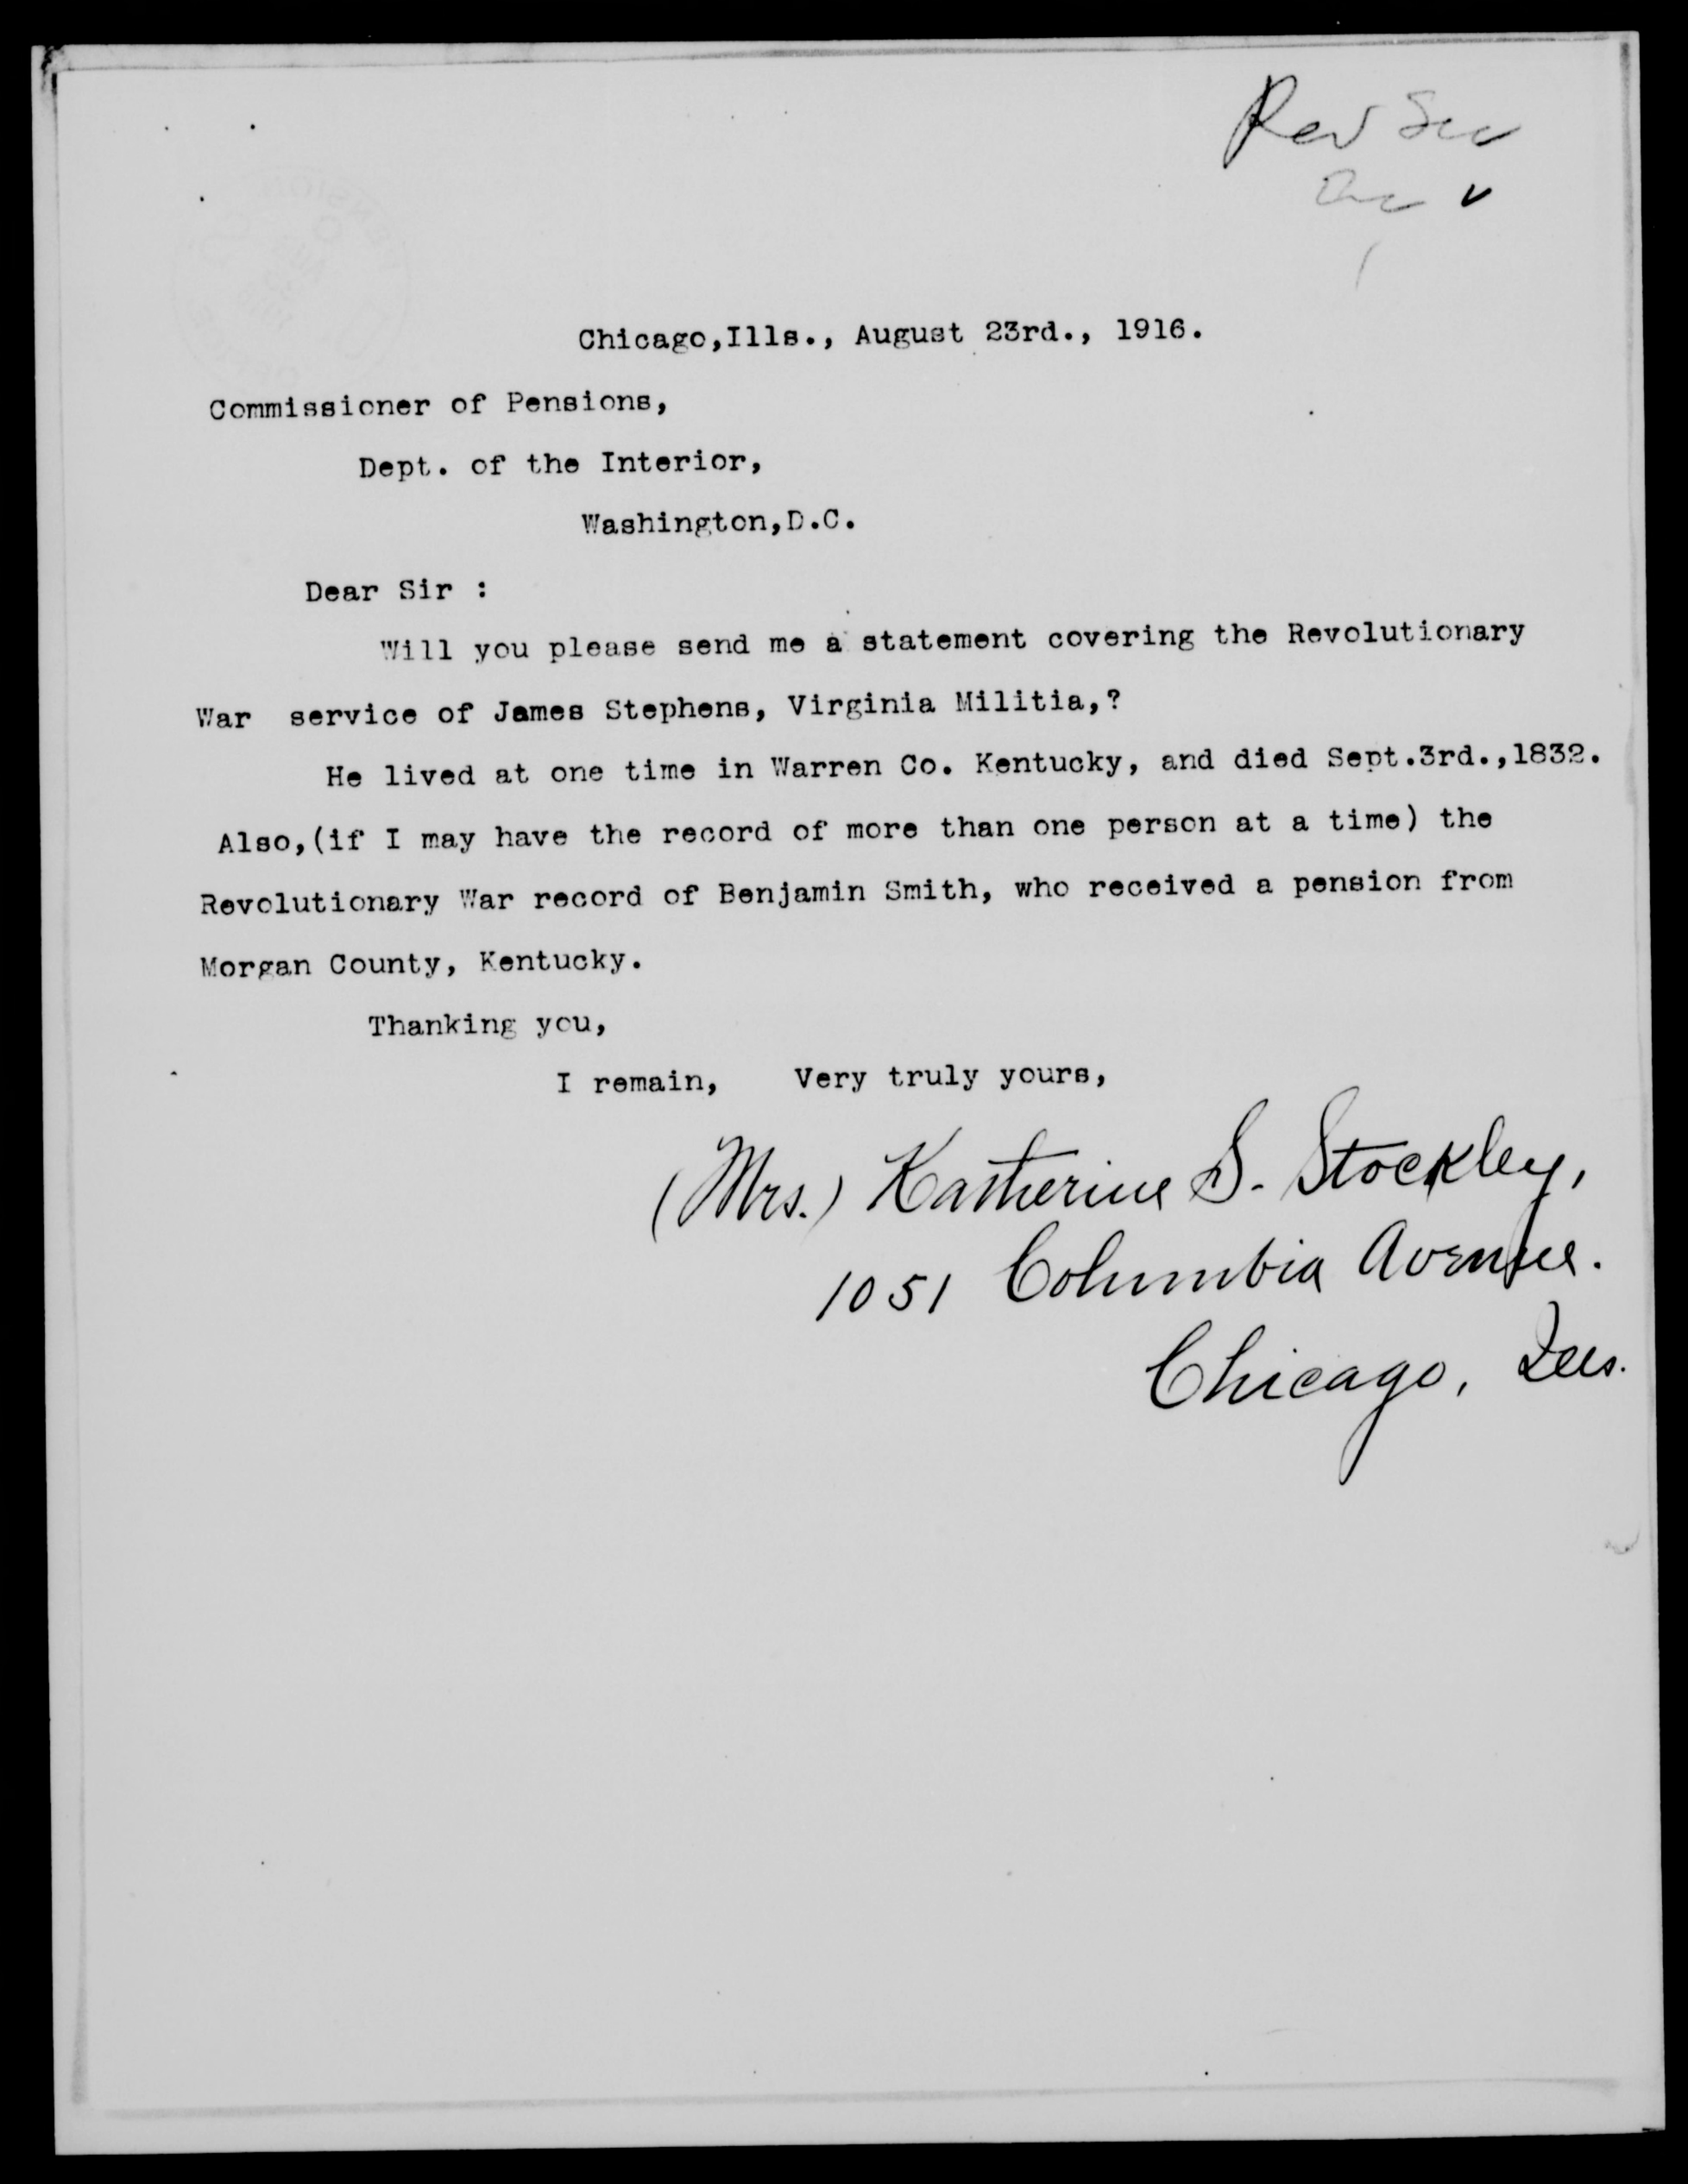Rev Sec

Chicago, Ills., August 23rd., 1916.
Commissioner of Pensions,
Dept. of the Interior,
Washington, D.C.
Dear Sir:
Will you please send me a statement covering the Revolutionary War service of James Stephens, Virginia Militia?
He lived at one time in Warren Co. Kentucky, and died Sept. 3rd, 1832.
Also, if I may have the record of more than one person at a time ) the
Revolutionary War record of Benjamin Smith, who received a pension from Morgan County, Kentucky.
Thanking you,
I remain,
Very truly yours,
(Mrs.) Katherine S. Stockley
1051 Columbia Avenue
Chicago, Ills.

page: 40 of 99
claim: widow's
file: W 8766, for James Stevens, Virginia